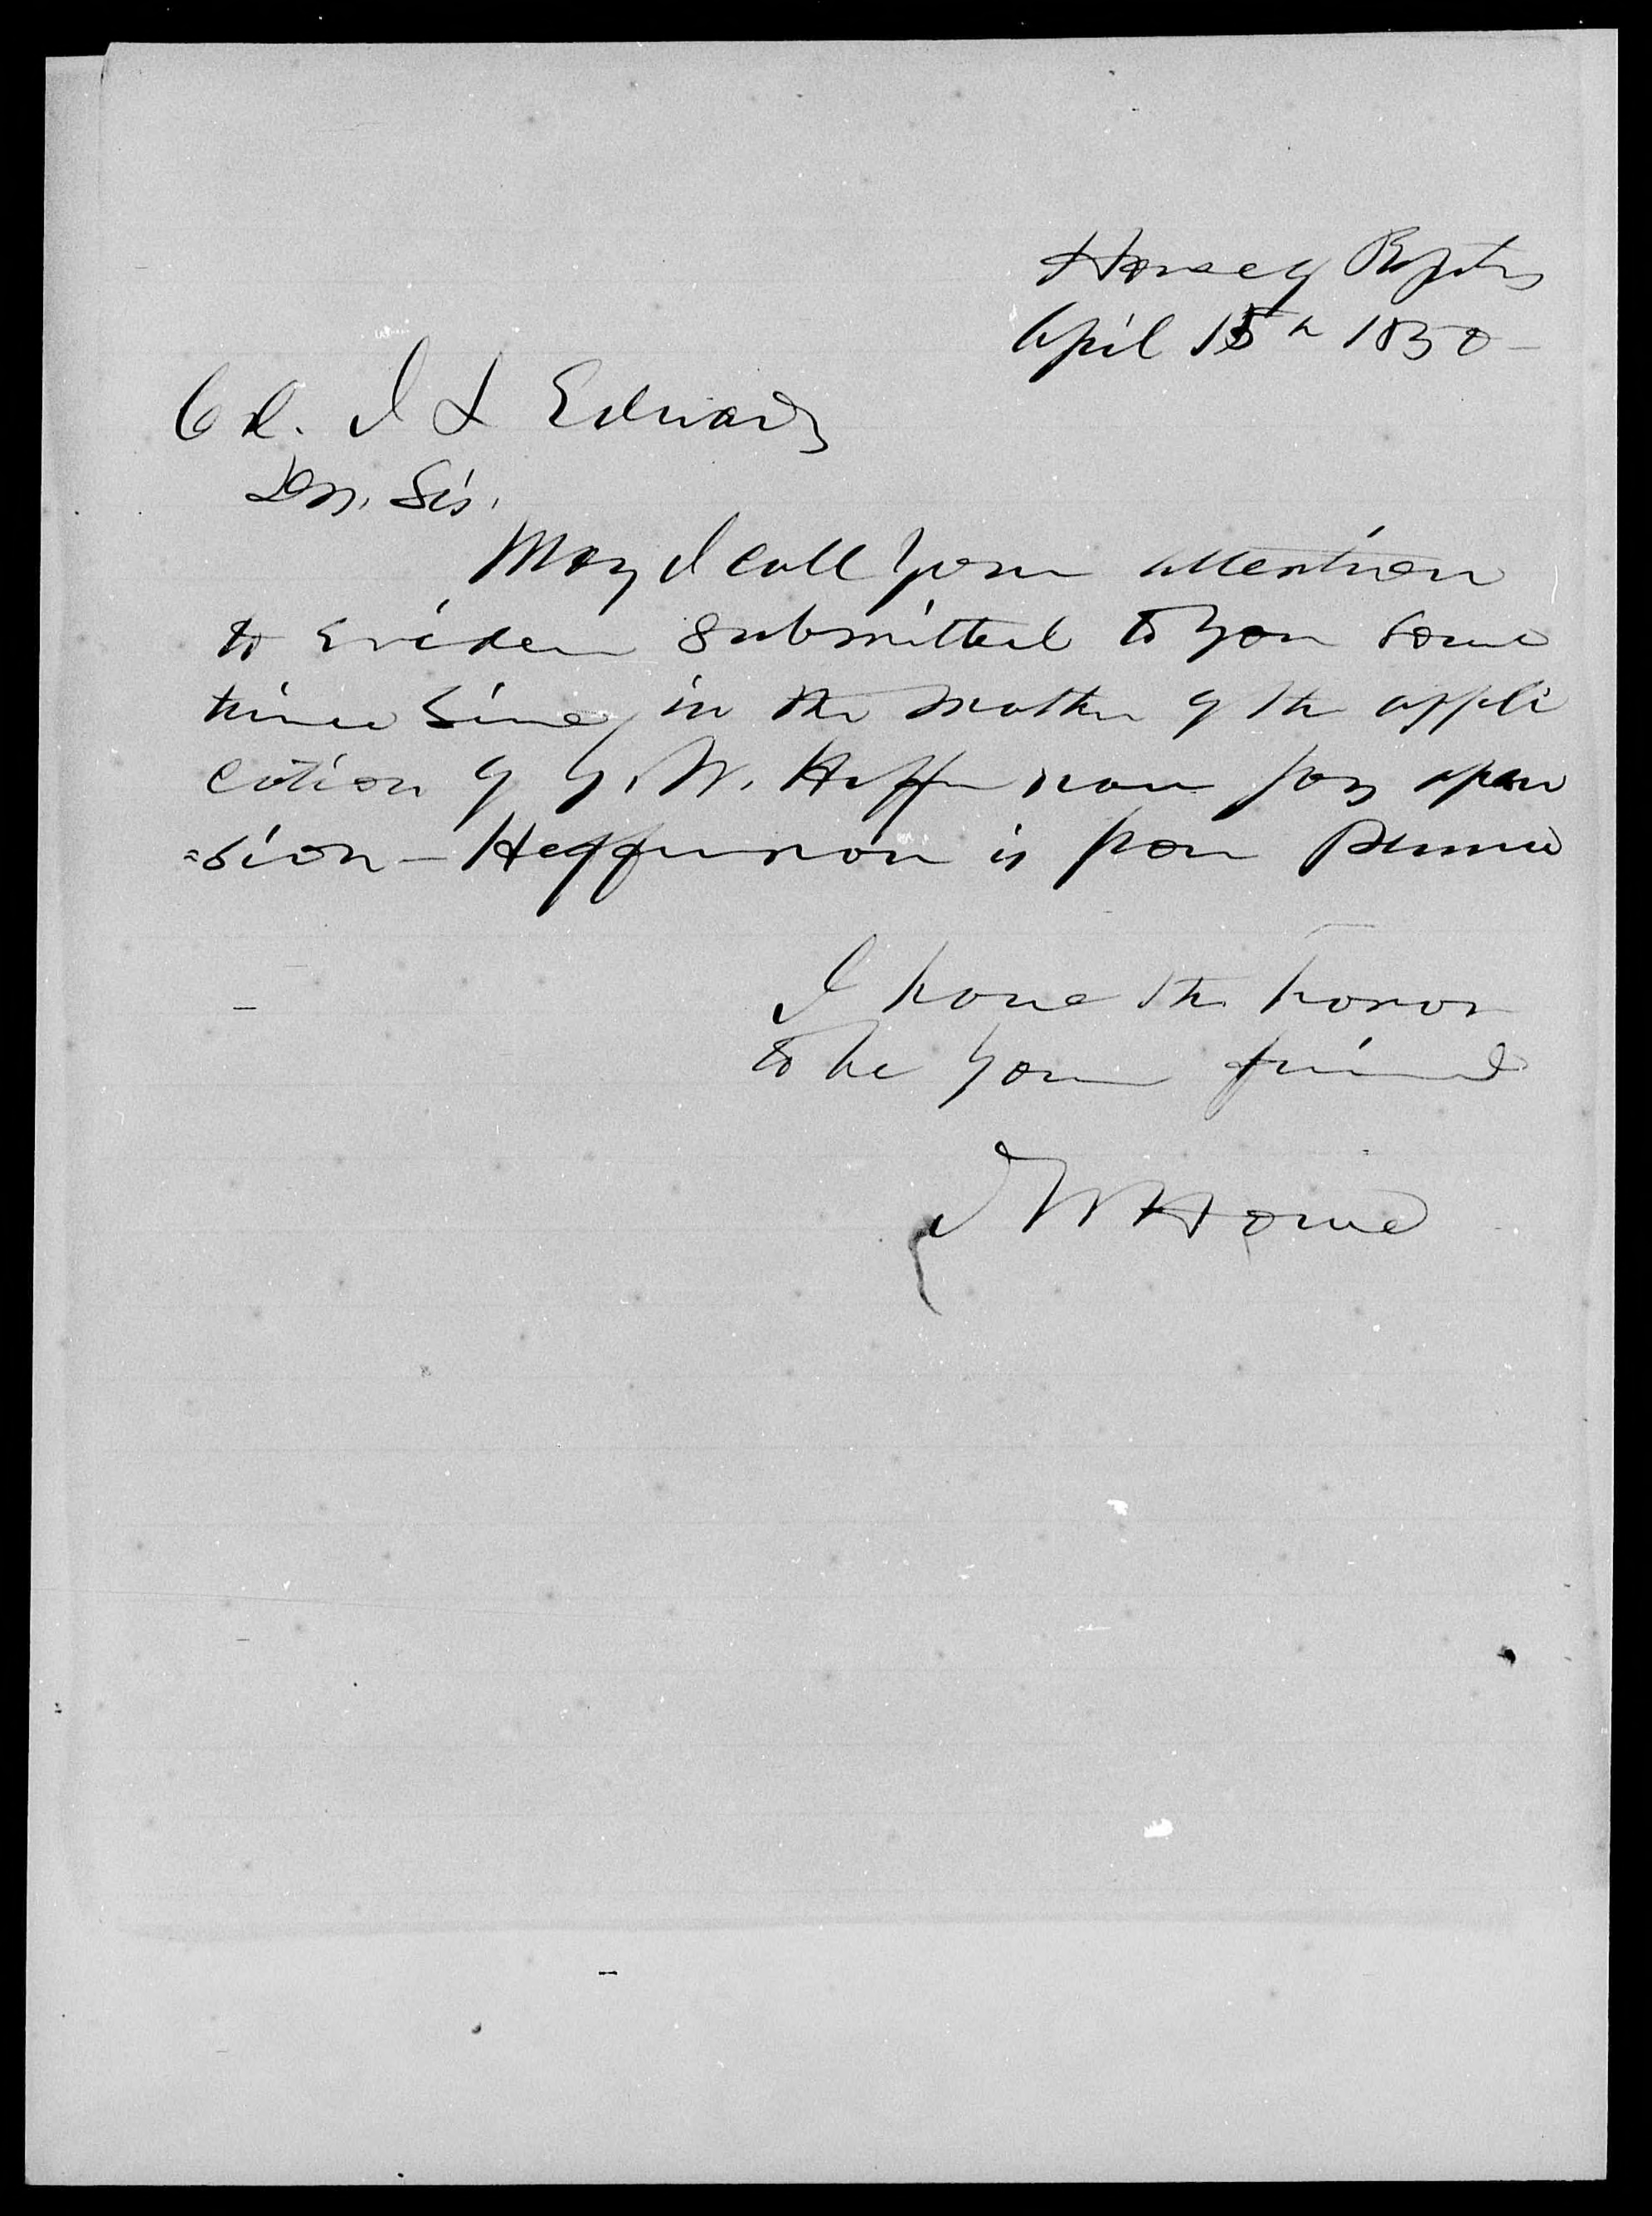[illegible] [illegible]
April 15th, 1850
C. R. J.L Edwards
Dear Sir,
May I call your attention to evidence submitted to you some time since in the matter of the application by G. W. Heffernan for a pension Heffernon is poor [illegible].

I have the honor to be your friend
J.W. Howe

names: J L Edwards, J W Howe, G W Heffernan, Heffernan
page: 18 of 21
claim: rejected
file: R. 4419, Hugh Haffernan, Penn.